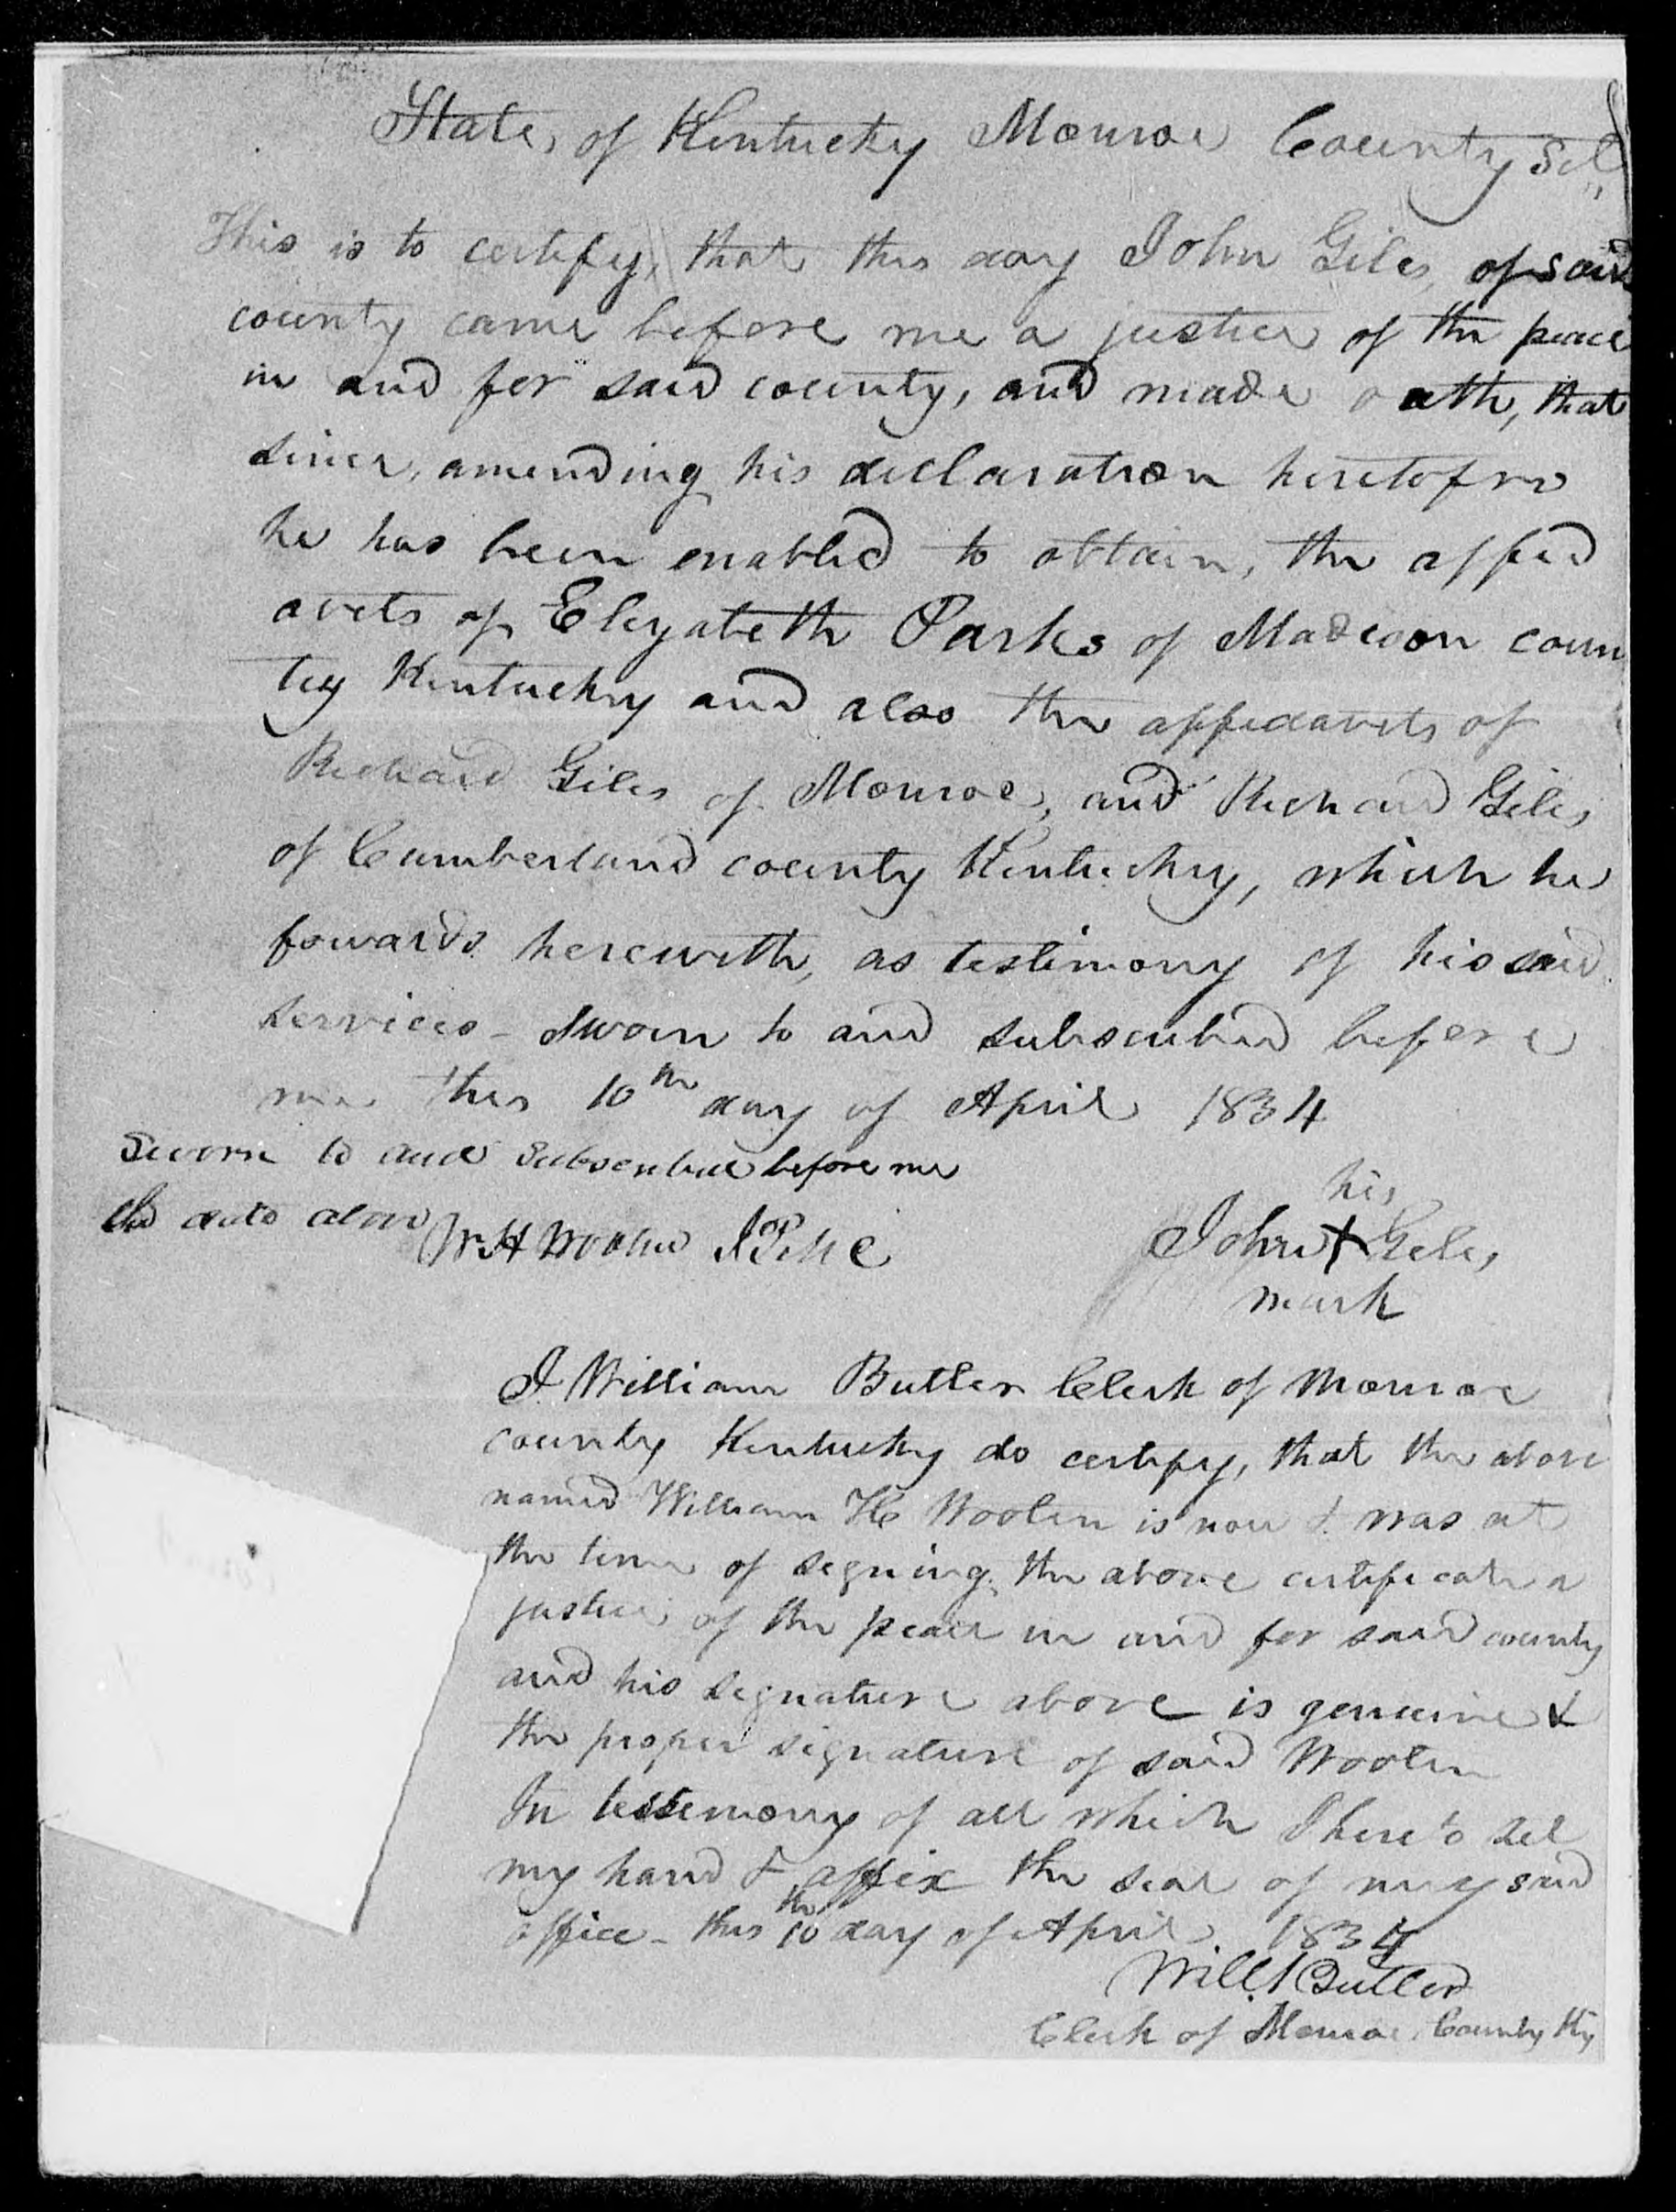State of Kentucky Monroe County Sct
This is to certify that this day John Giles of said county came before me a justice of the peace in and for said county, and made oath, that since amending his declaration heretofore he has been enabled to obtain, the affidavits of Elizabeth Parks of Madison County Kentucky and also the affidavits of Richard Giles of Monroe, and Richard Giles of Cumberland County Kentucky, which he forwards herewith as testimony of his said services - sworn to and subscribed before me this 10th day of April 1834
Sworn to and subscribed before me the date above
WH Wooten  JPMC
John his X mark Giles

I William Butler Clerk of Monroe county Kentucky do certify, that the above named William H. Wooten is now & was at the time of signing the above certificate a justice of the peace in and for said county and his signature above is genuine & the proper signature of said Wooten
In testimony of all which hereto set my hand & affix the seal of my said office - this 10th day of April 1834
Will. Butler
Clerk of Monroe County Ky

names: Elizabeth Parks, William Butler, W H Wooten, Richard Giles, John Giles, John Giles, Wooten, William H Wooten, Will Butler, Richard Giles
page: 66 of 82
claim: widow's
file: W. 7,522, John Giles, N.C.